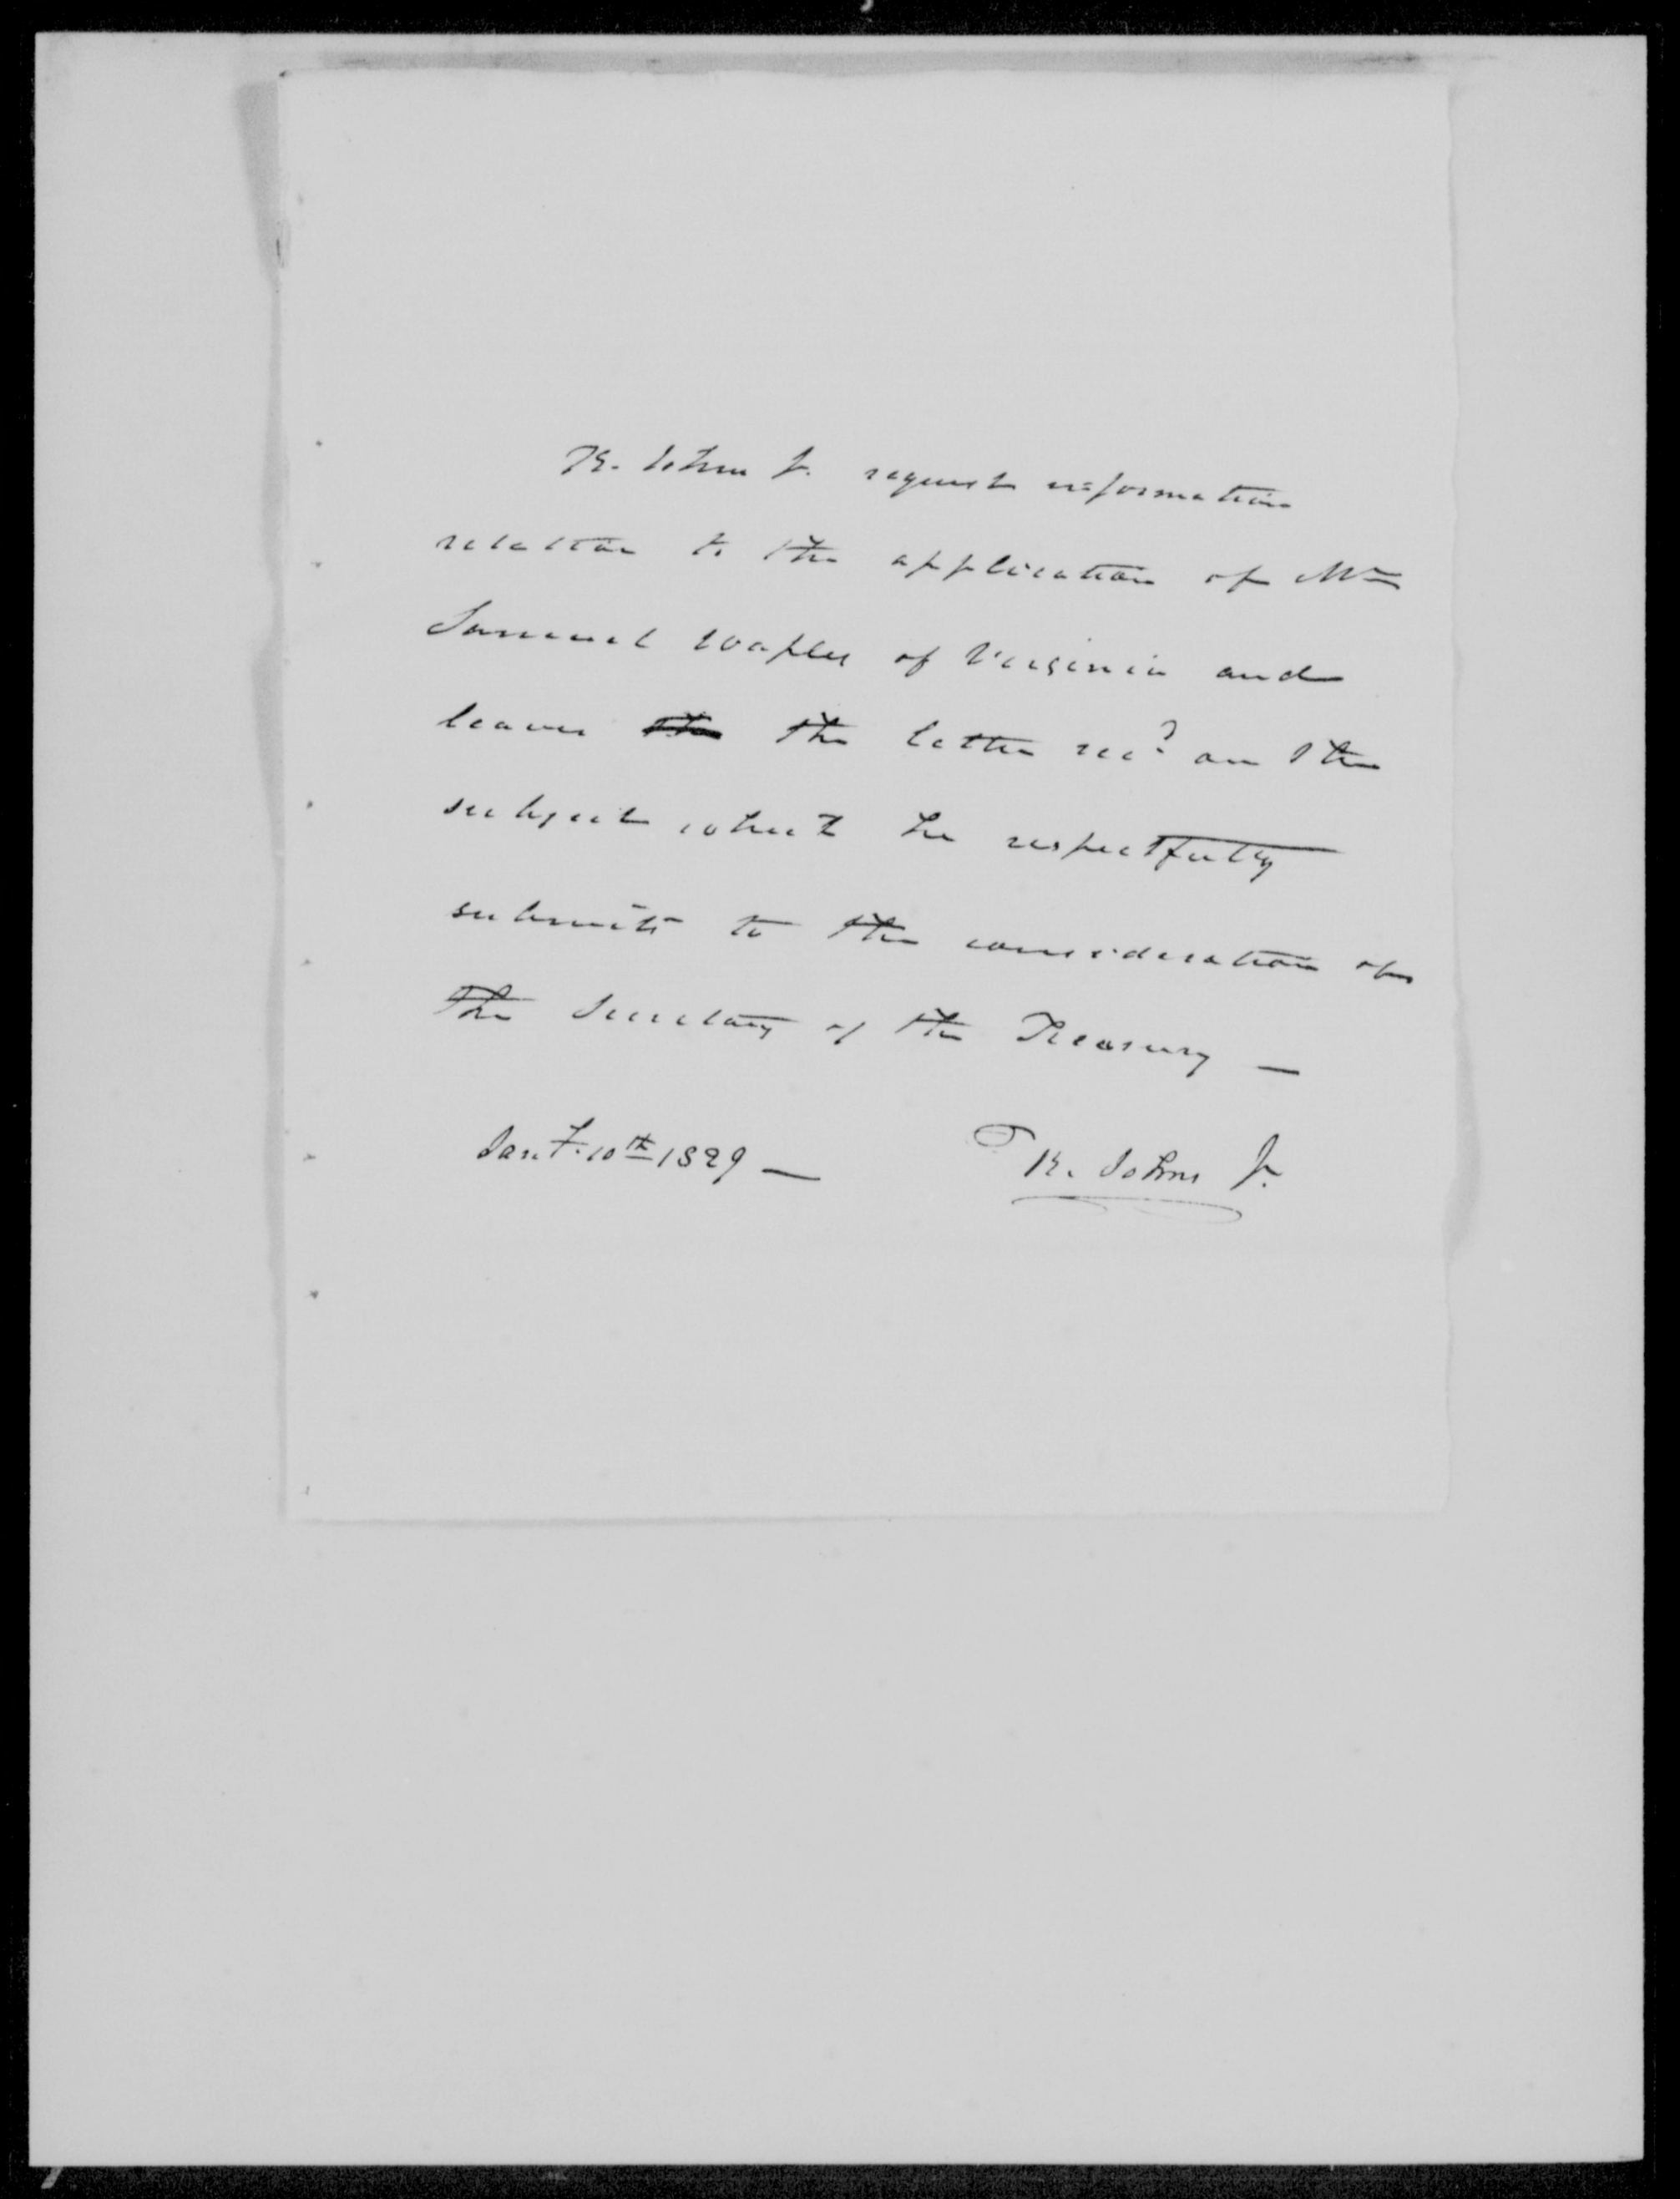K. Johns Jr. requests information
relative to the application of Mr.
Samuel Waples of Virginia and
leave the letter recd. on the
subject which he respectfully
submits to the consideration of
The Secretary of the Treasury -
Jany. 10th 1829 - K. Johns Jr.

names: K Johns, K Johns, Samuel Waples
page: 51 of 59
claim: widow's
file: W. 6427, Samuel Waples, Va.